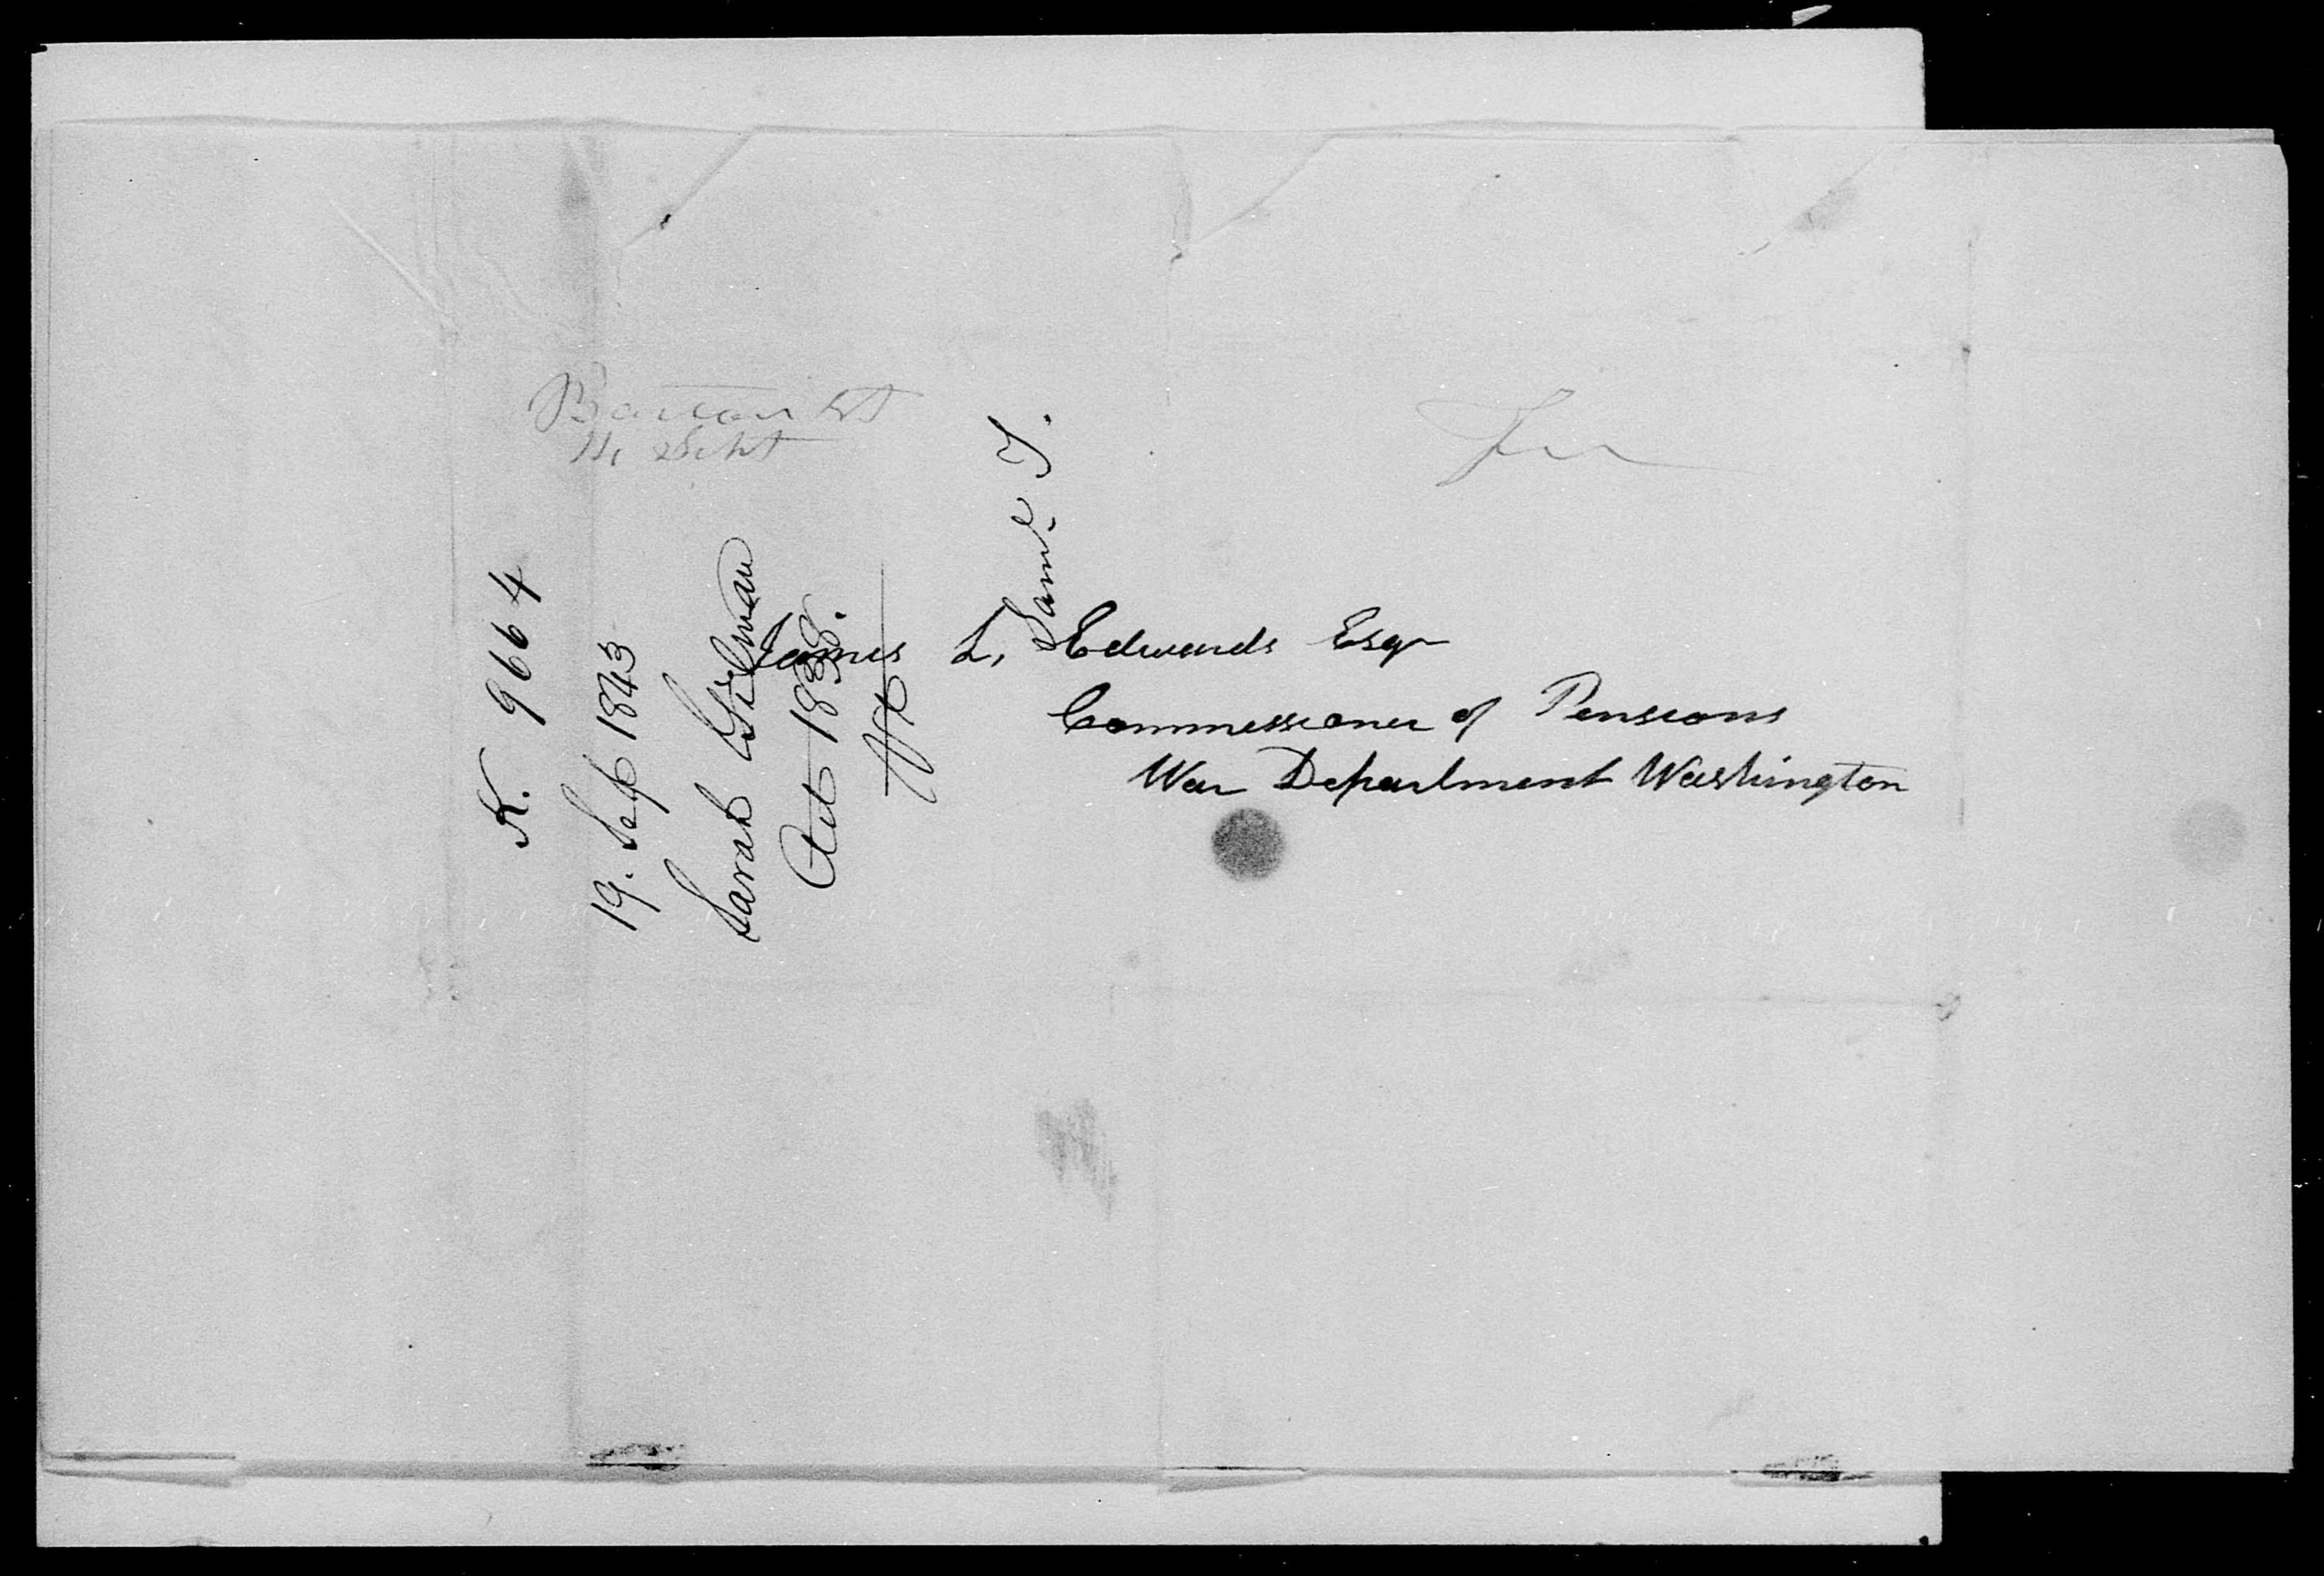Barton VT
14 Sept                       Free

James L. Edwards Esq.
Commissioner of Pensions
War Department Washington 


[written along left margin perpendicular to address]:

K. 9664
19 Sept 1843
Sarah Gilman
Act 1838
[illeg]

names: Saml T, James L Edwards, Sarah Gilman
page: 34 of 61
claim: widow's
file: W. 19500, Samuel Thing Gilman, Continental N.H.